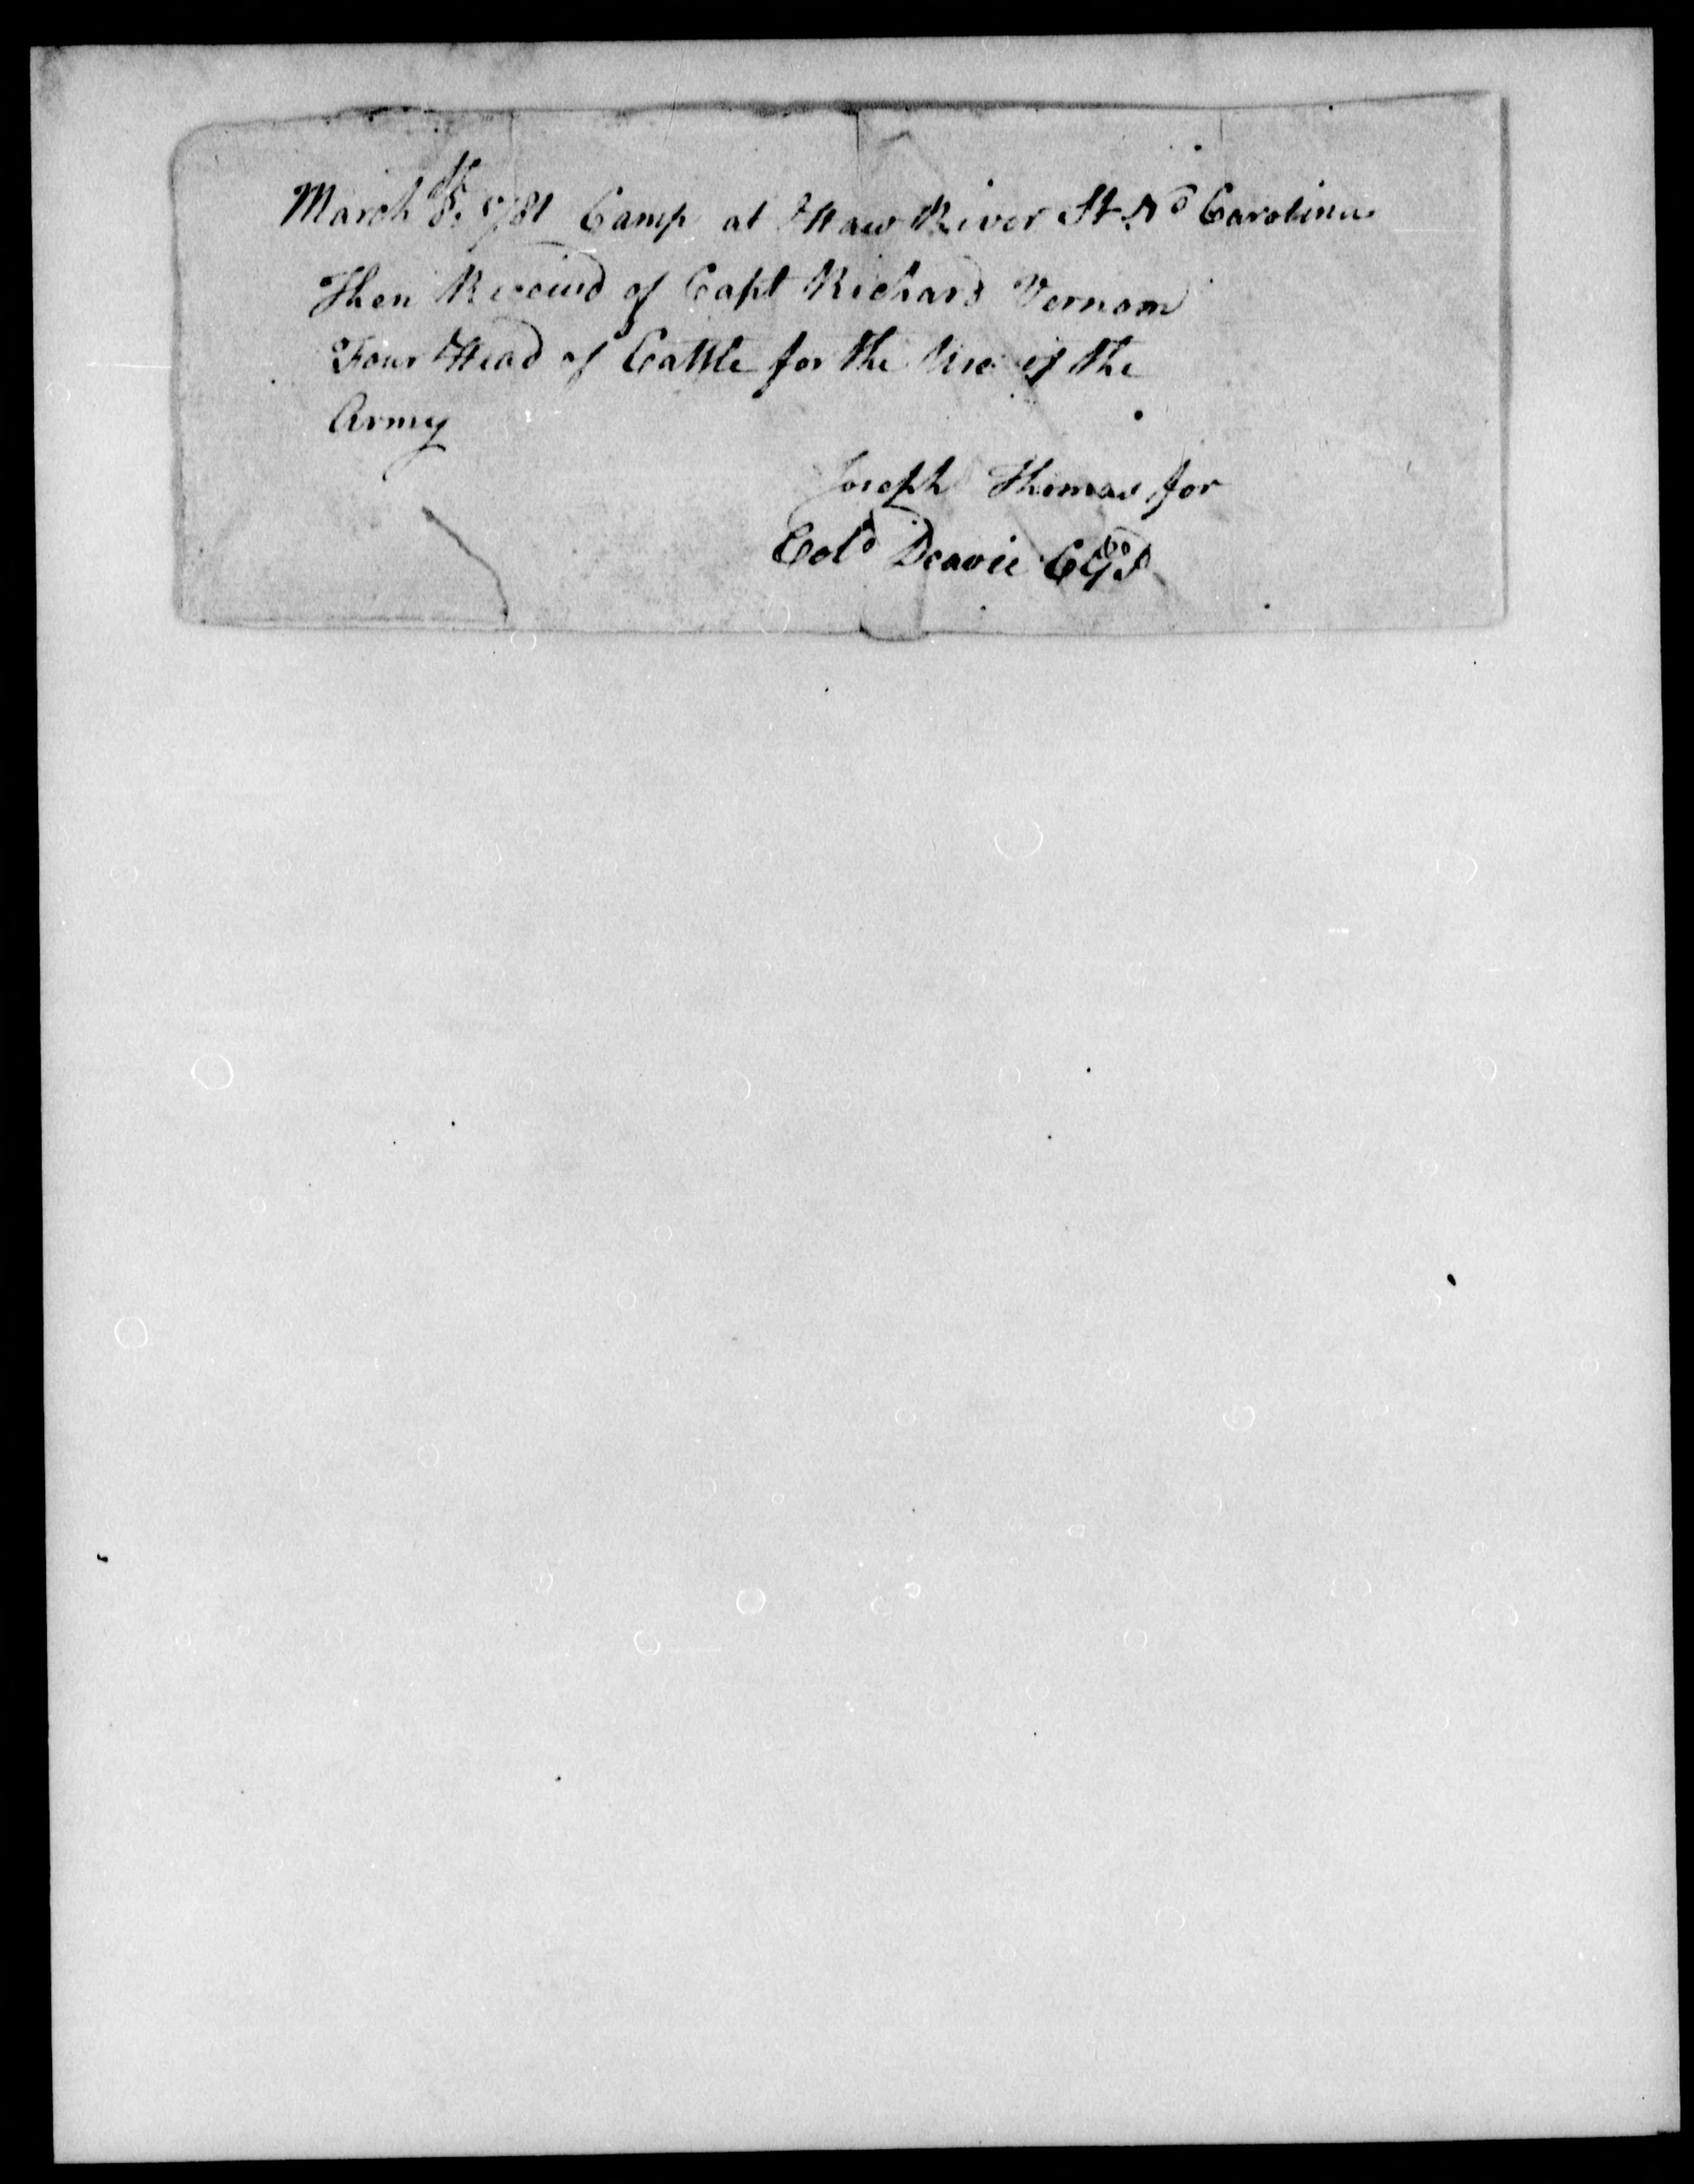March 8th 1781 Camp at Haw River Ft. No. Carolina Then Received of Capt. Richard Vernon Four Head of Cattle for the Use of the Army 
Joseph Thomas for Col. Deavie CGP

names: Joseph Thomas, Deavie, Richard Vernon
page: 23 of 105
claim: survivor's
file: S. 1883, Richard Vernon, N.C.